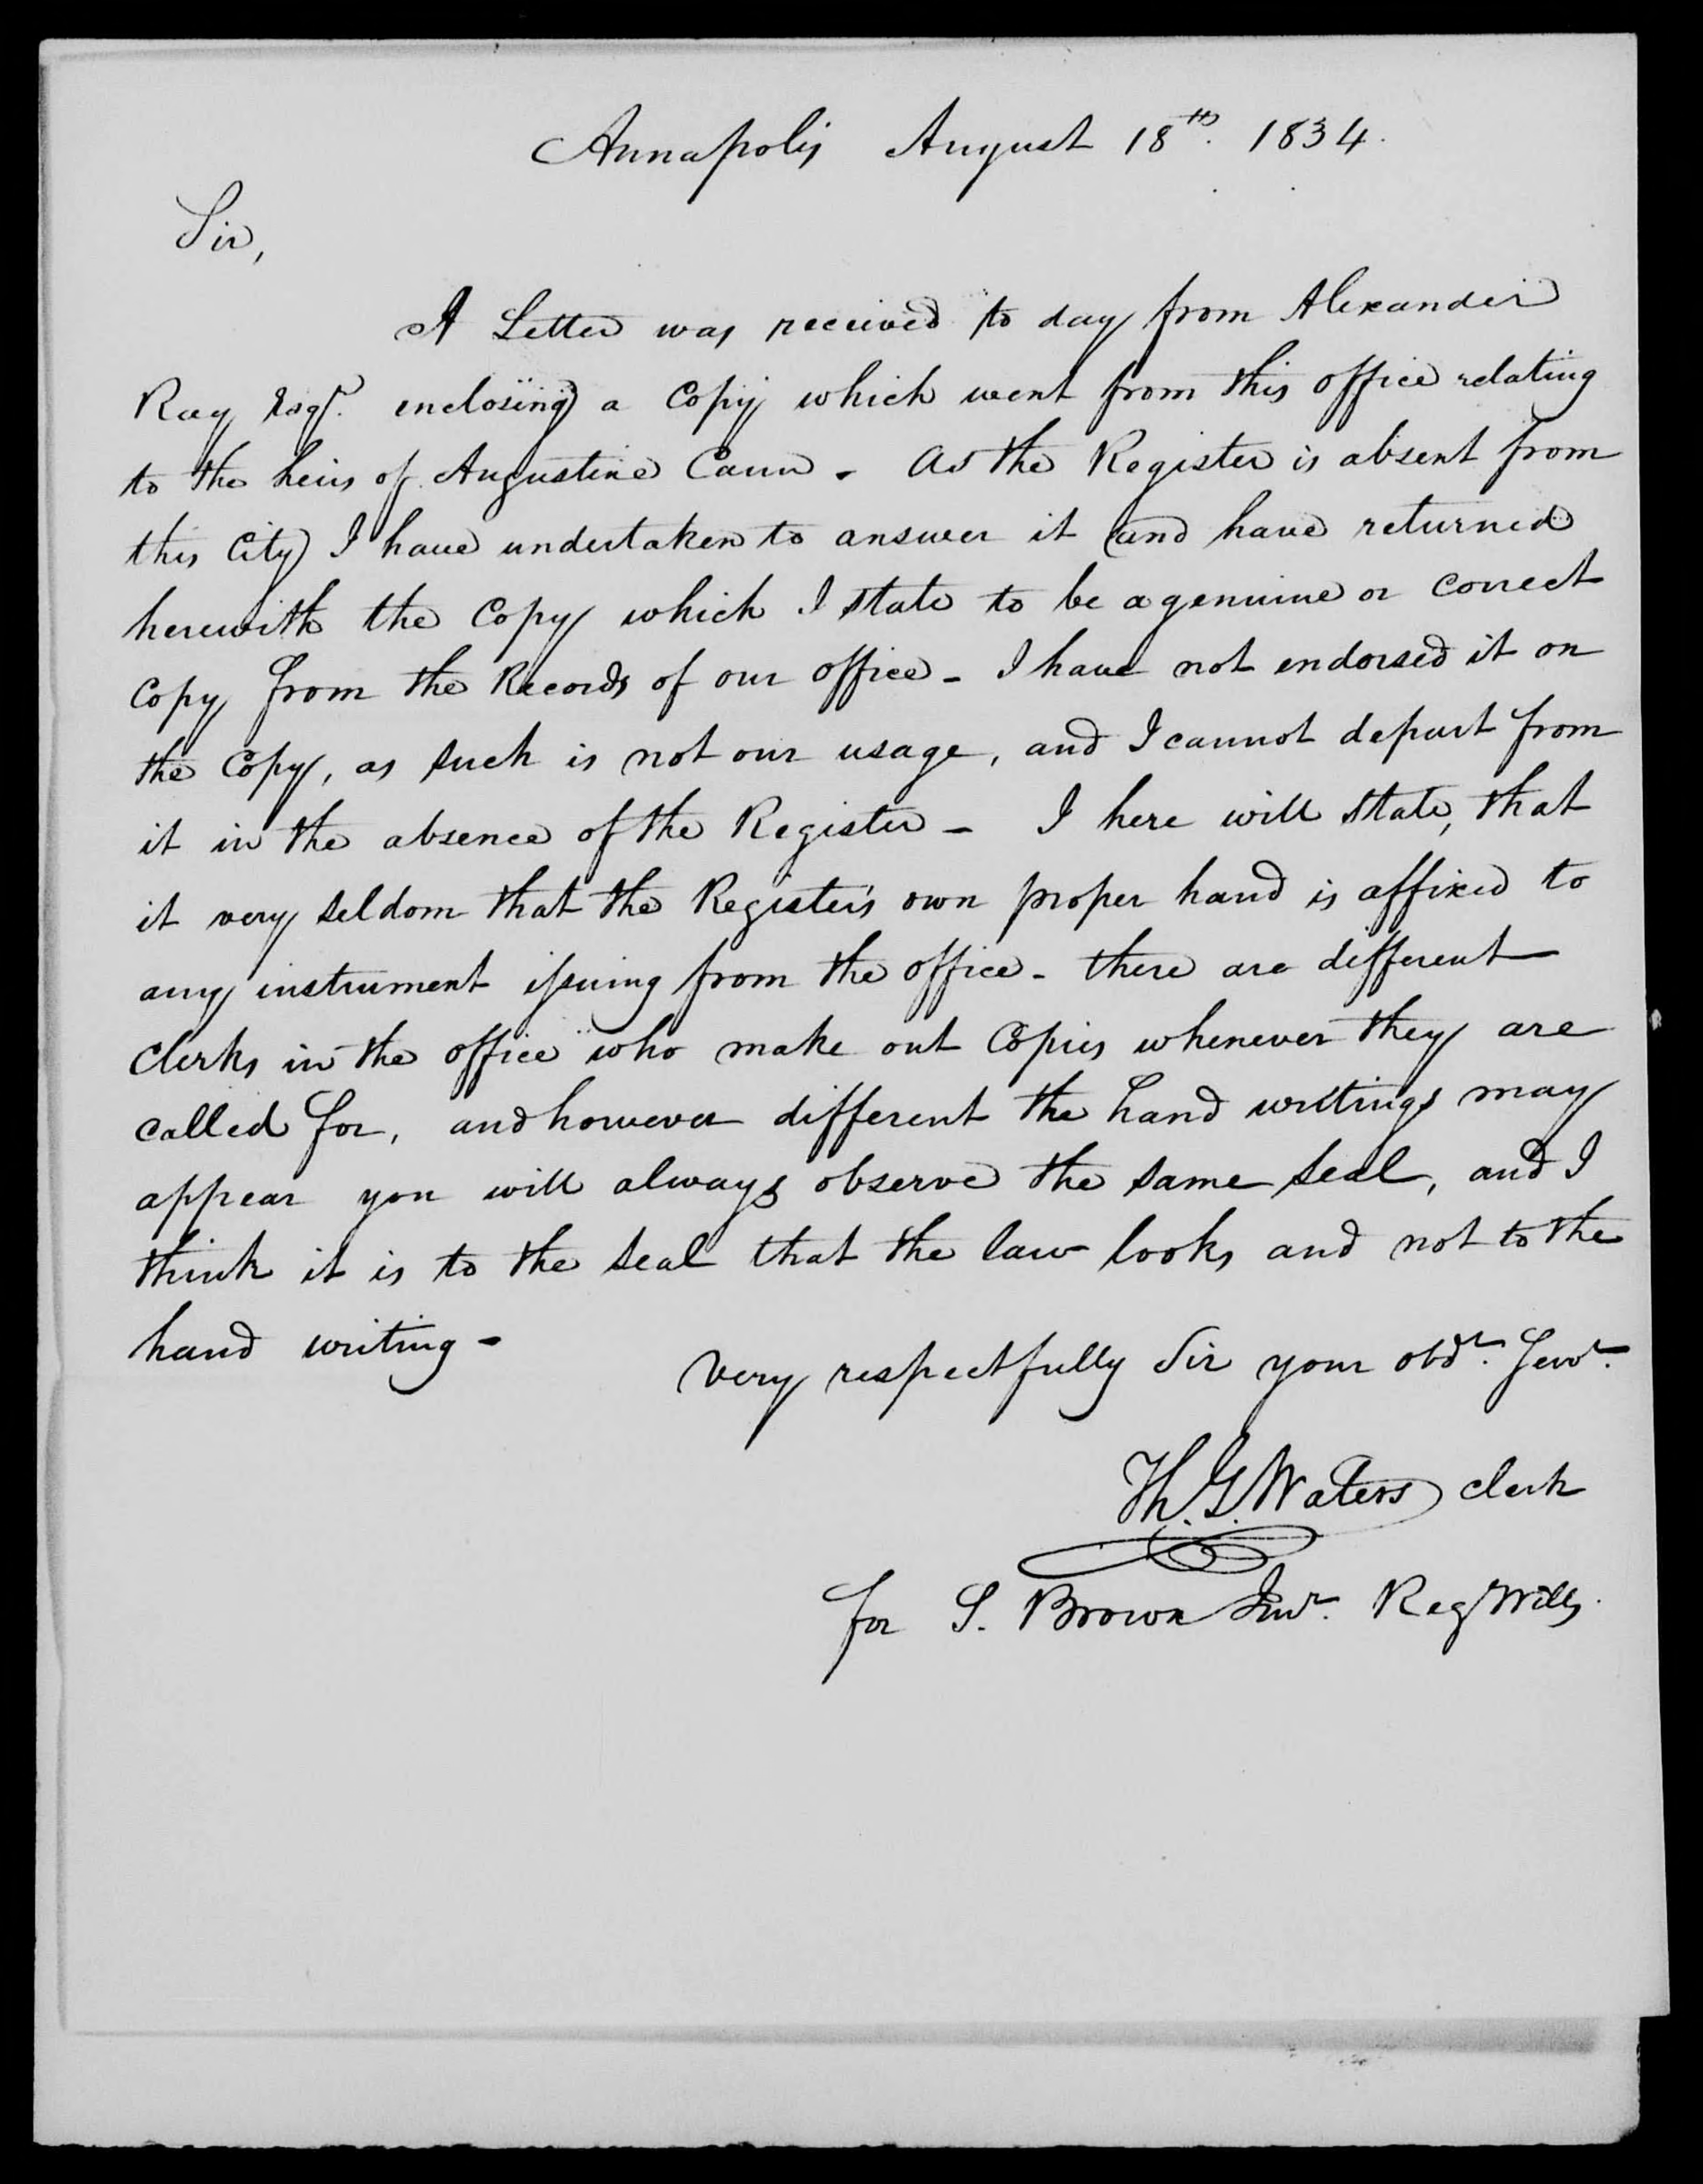Annapolis August 18th. 1834

Sir,

A Letter was received to day from Alexander
Ray Esqr. enclosing a copy which went from this office relating
to the heirs of Augustine Cann. As the Register is absent from
this City I have undertaken to answer it and have returned
herewith the copy which I state to be a genuine or correct
copy from the Records of our office. I have not endorsed it on
the copy, as such is not our usage, and I cannot depart from
it in the absence of the Register - I here will State, that
it very seldom that the Register's own proper hand is affixed to
any instrument issuing from the office. there are different
clerks in the office who make out copies whenever they are
called for, and however different the hand writings may
appear you will always observe the same Seal, and I
think it is to the Seal that the law looks and not to the 
hand writing.- 
Very respectfully Sir your obt Servt.
H.G. Waters clerk
for S. Brown Jnr. RegWilly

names: H G Waters, Alexander Ray, S Brown, Augustine Cann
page: 5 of 9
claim: bounty land warrant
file: B.L.Wt. 2059-100, Augustine Cann, Md.